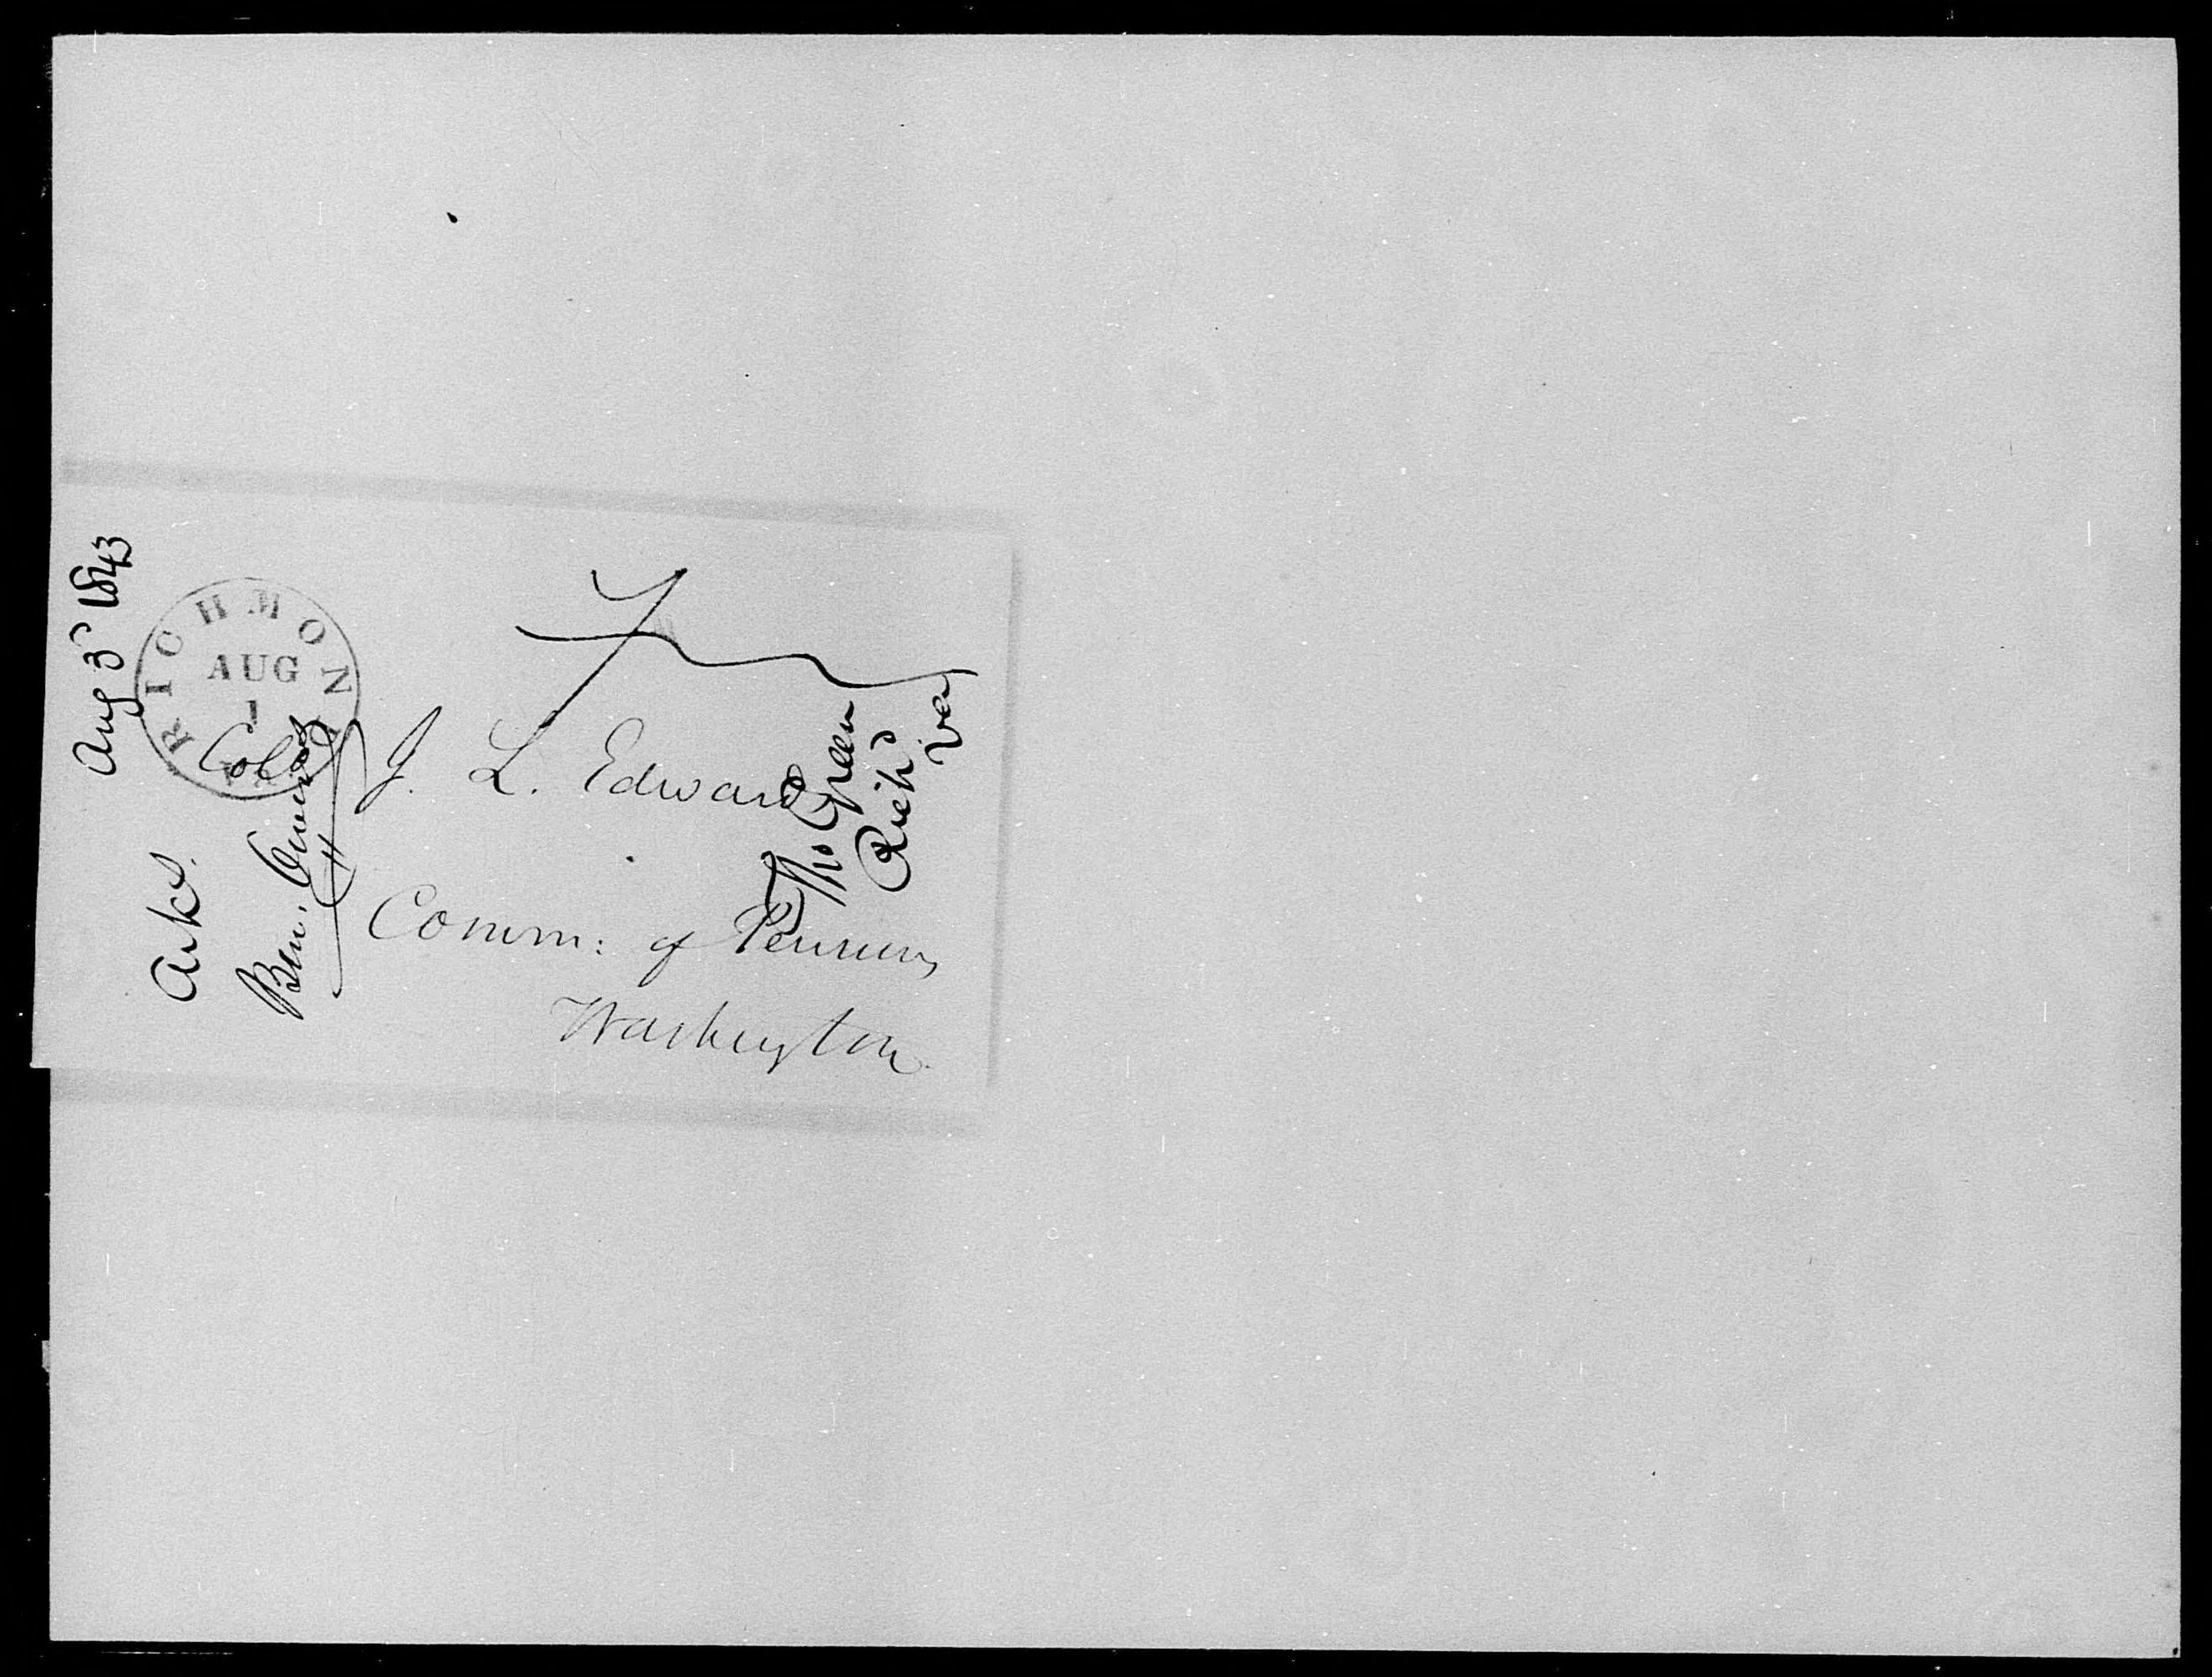RICHMOND
AUG
1
VA
Free
Colo J. L. Edwards
Comm: of Pensions
Washington

Aug 3d 1843
Arks.
Ben. Owens

Tho Green
Richd
Va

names: J L Edwards; Ben Owens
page: 21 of 28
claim: rejected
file: R. 7846, for Benjamin Owens, South Carolina